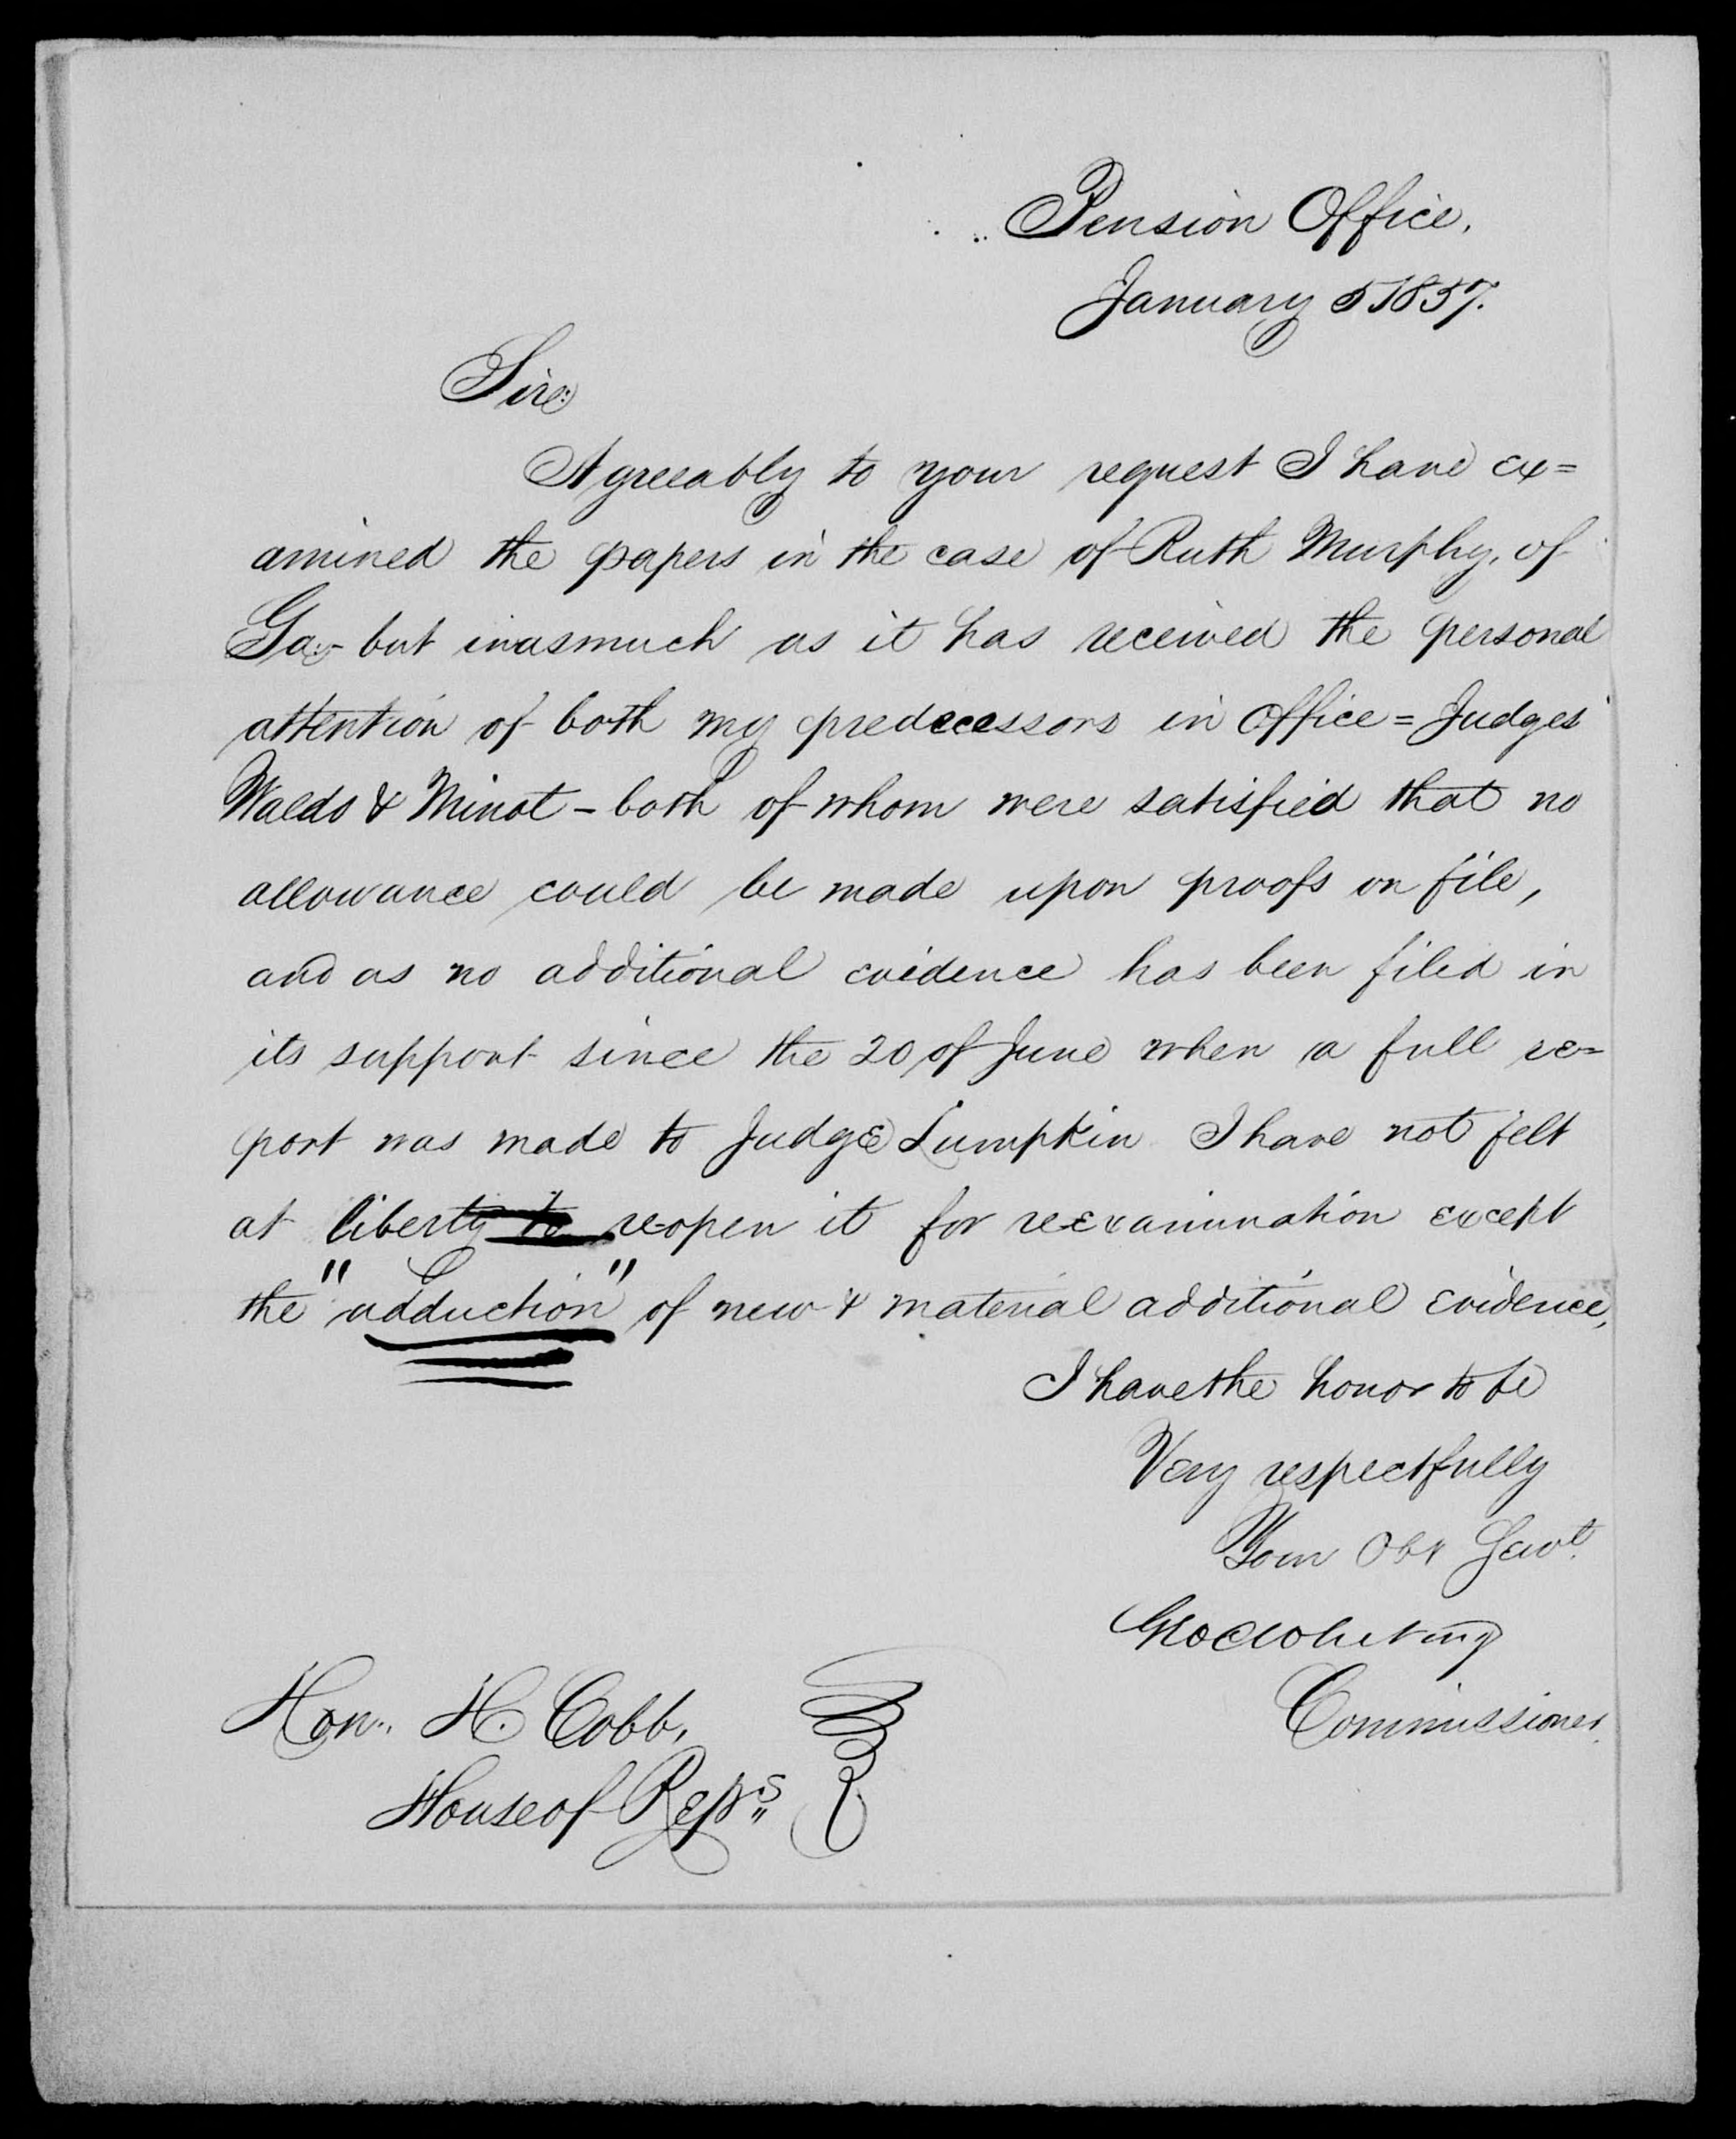Pension Office
January 5 1857
Sir
Agreeably to your request I have examined the papers in the case of Ruth Murphy of Geo, but inasmuch as it has received the personal attention of both my predecessors in office=judges Waldo &Minot-both of whom were satisfied that no allowance could be made upon proofs in file, and as no additional cadence has been filed in its support since the 20th of June when a full report was made to Judge Lumpkin I have not felt at liberty to reopen it for reexamination except the “alduchon” (underlined three times) of new material additional evidence.,
I have the honor to’
Very respectfully
(Three words are very light and not legible)
Accounting Commissioner
Hon. H. Cobb
House of Rep (squiggle line vertically after last word)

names: Geo C Whiting, Lumpkin, Ruth Murphy, H Cobb, Waldo, Minot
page: 27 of 108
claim: rejected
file: R. 7,515, John Hudgins, N.C.